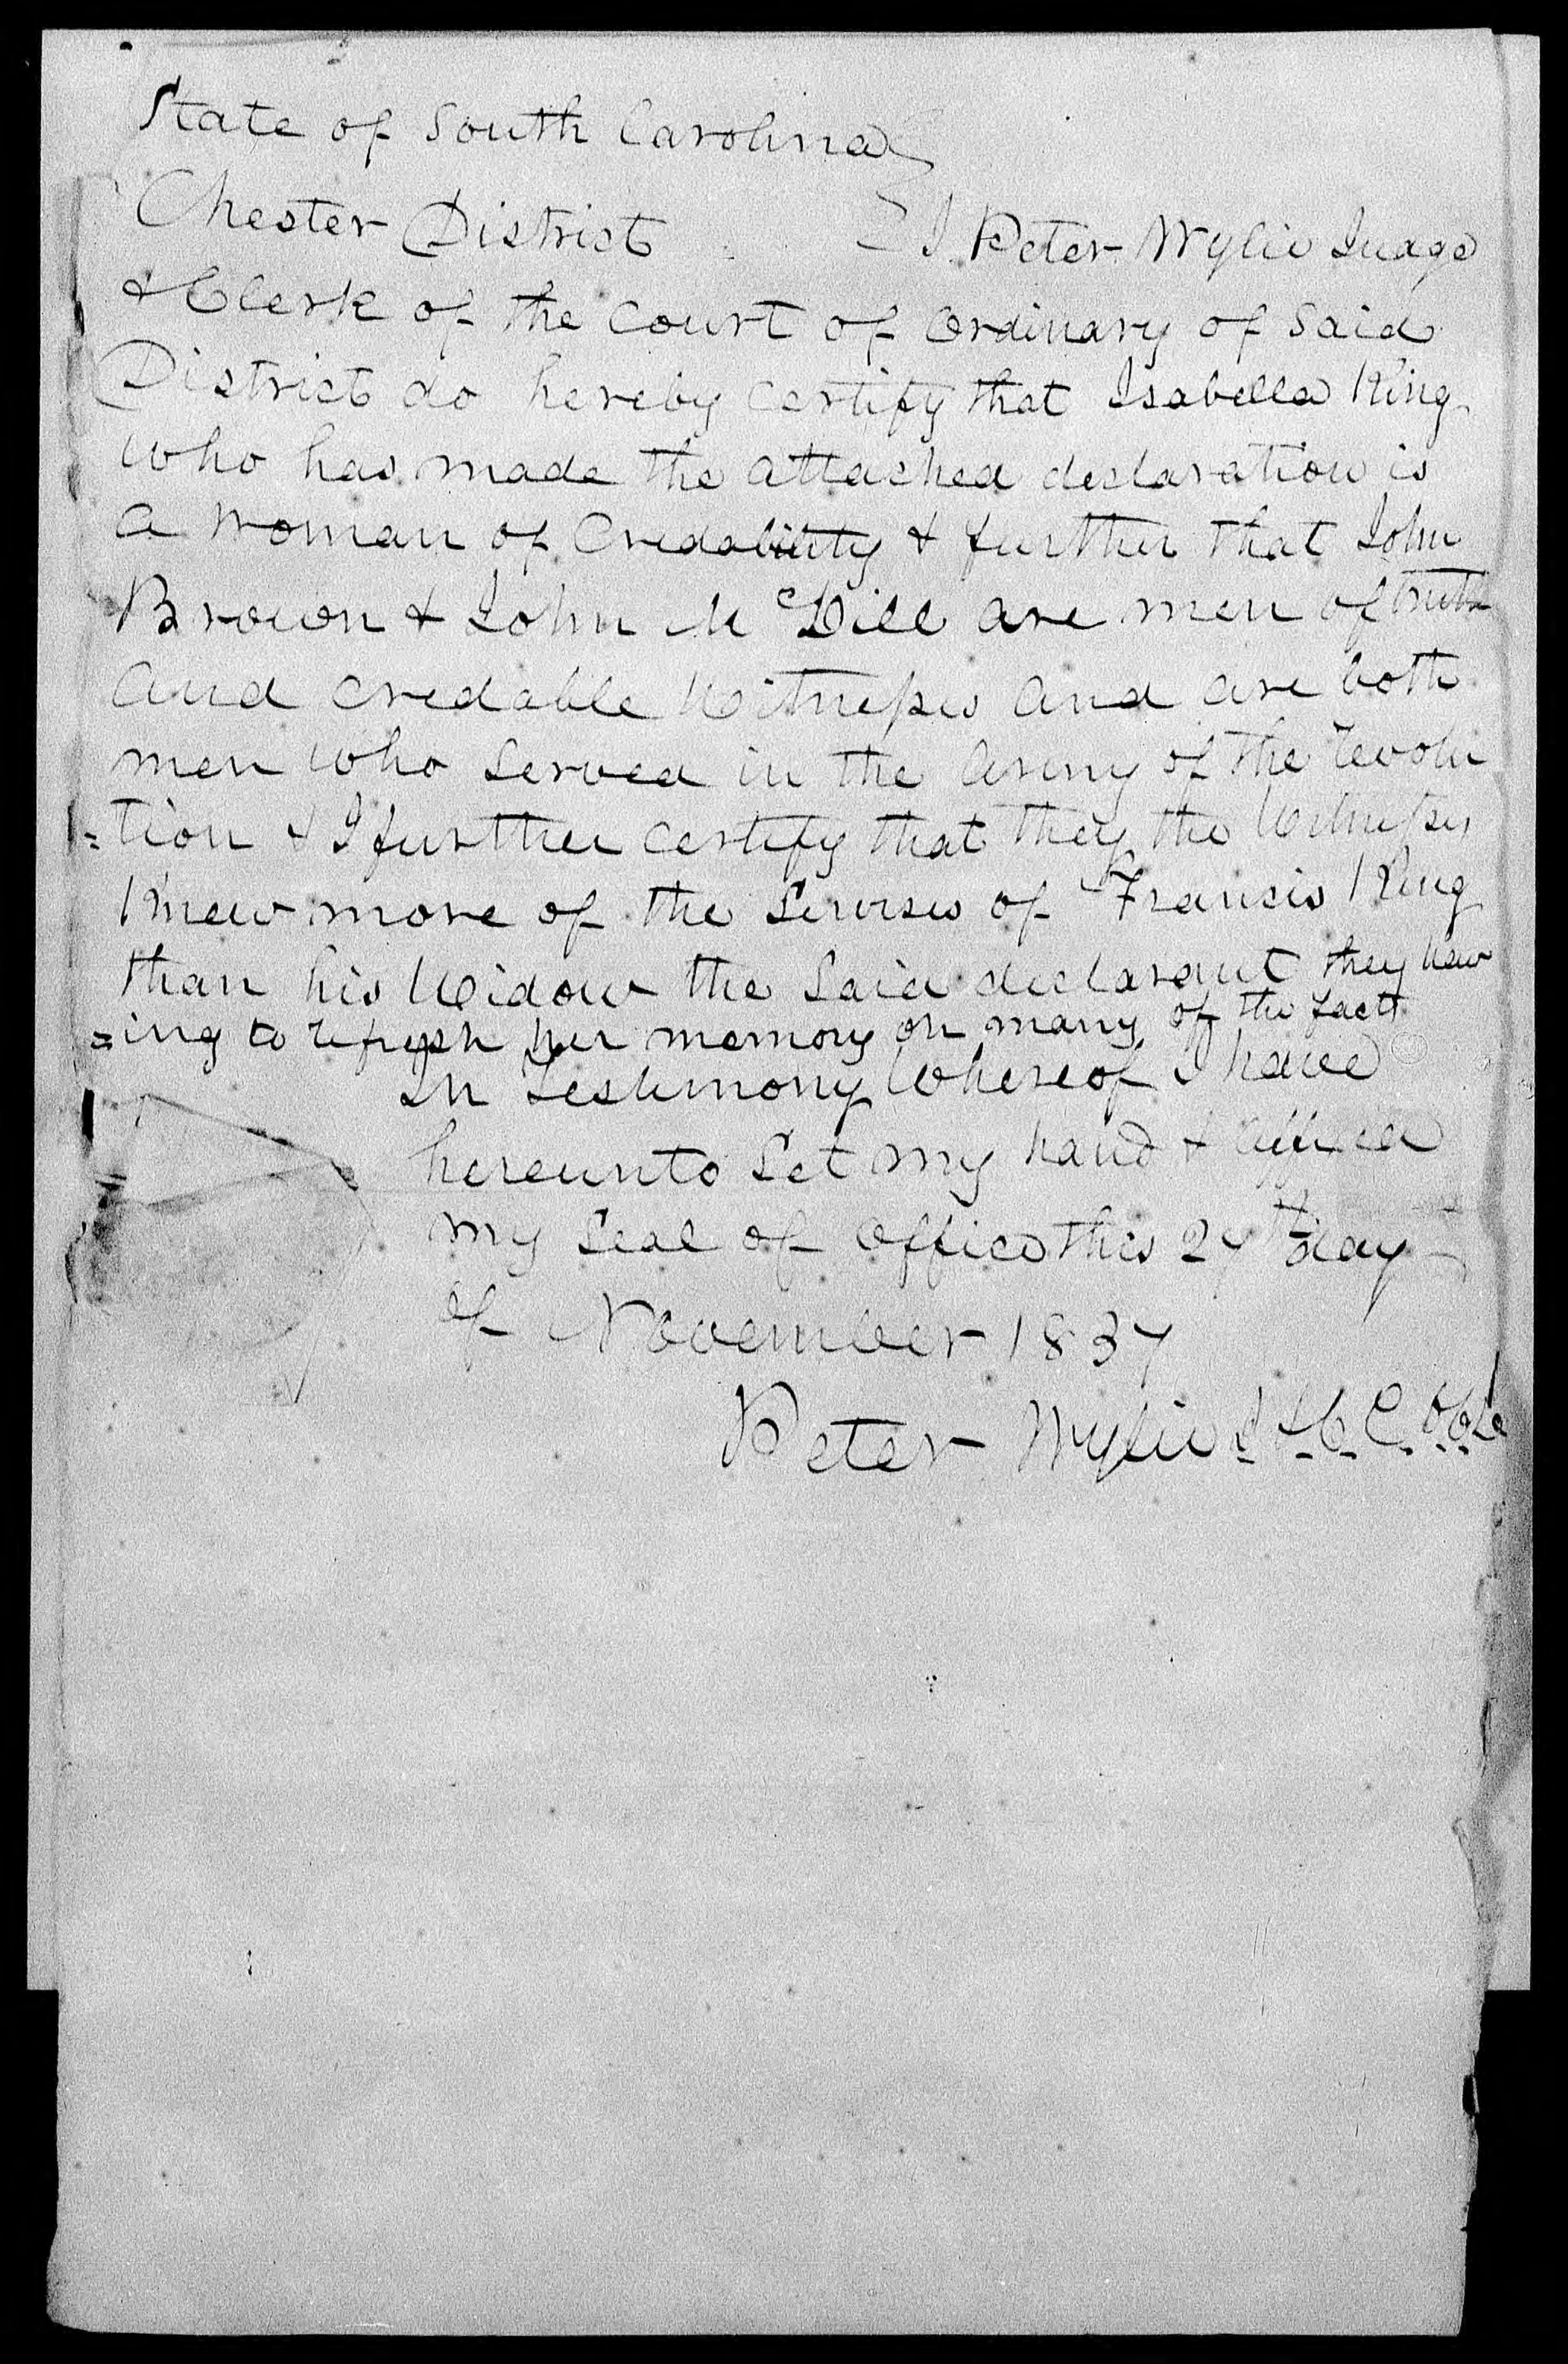State of South Carolina }
Chester District } I Peter Wylie Judge 
& Clerk of the Court of Ordinary of said 
District do hereby certify that Isabella King 
who has made the attached declaration is 
a woman of credability [credibility] & further that John 
Brown & John McDill are men of truth 
and credable [credible] witnesses and are both 
men who served in the army of the Revolu
tion & I further certify that they the witnesses 
knew more of the services of Francis King 
than his widow the said declarant they hav
ing to refresh her memory on many of the facts.
In Testimony whereof I have 
hereunto set my hand & affixed 
my seal of office this 24th day 
of November 1837
Peter Wylie J&CCOCD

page: 10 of 10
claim: widow's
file: W. 21523, for Francis King, South Carolina